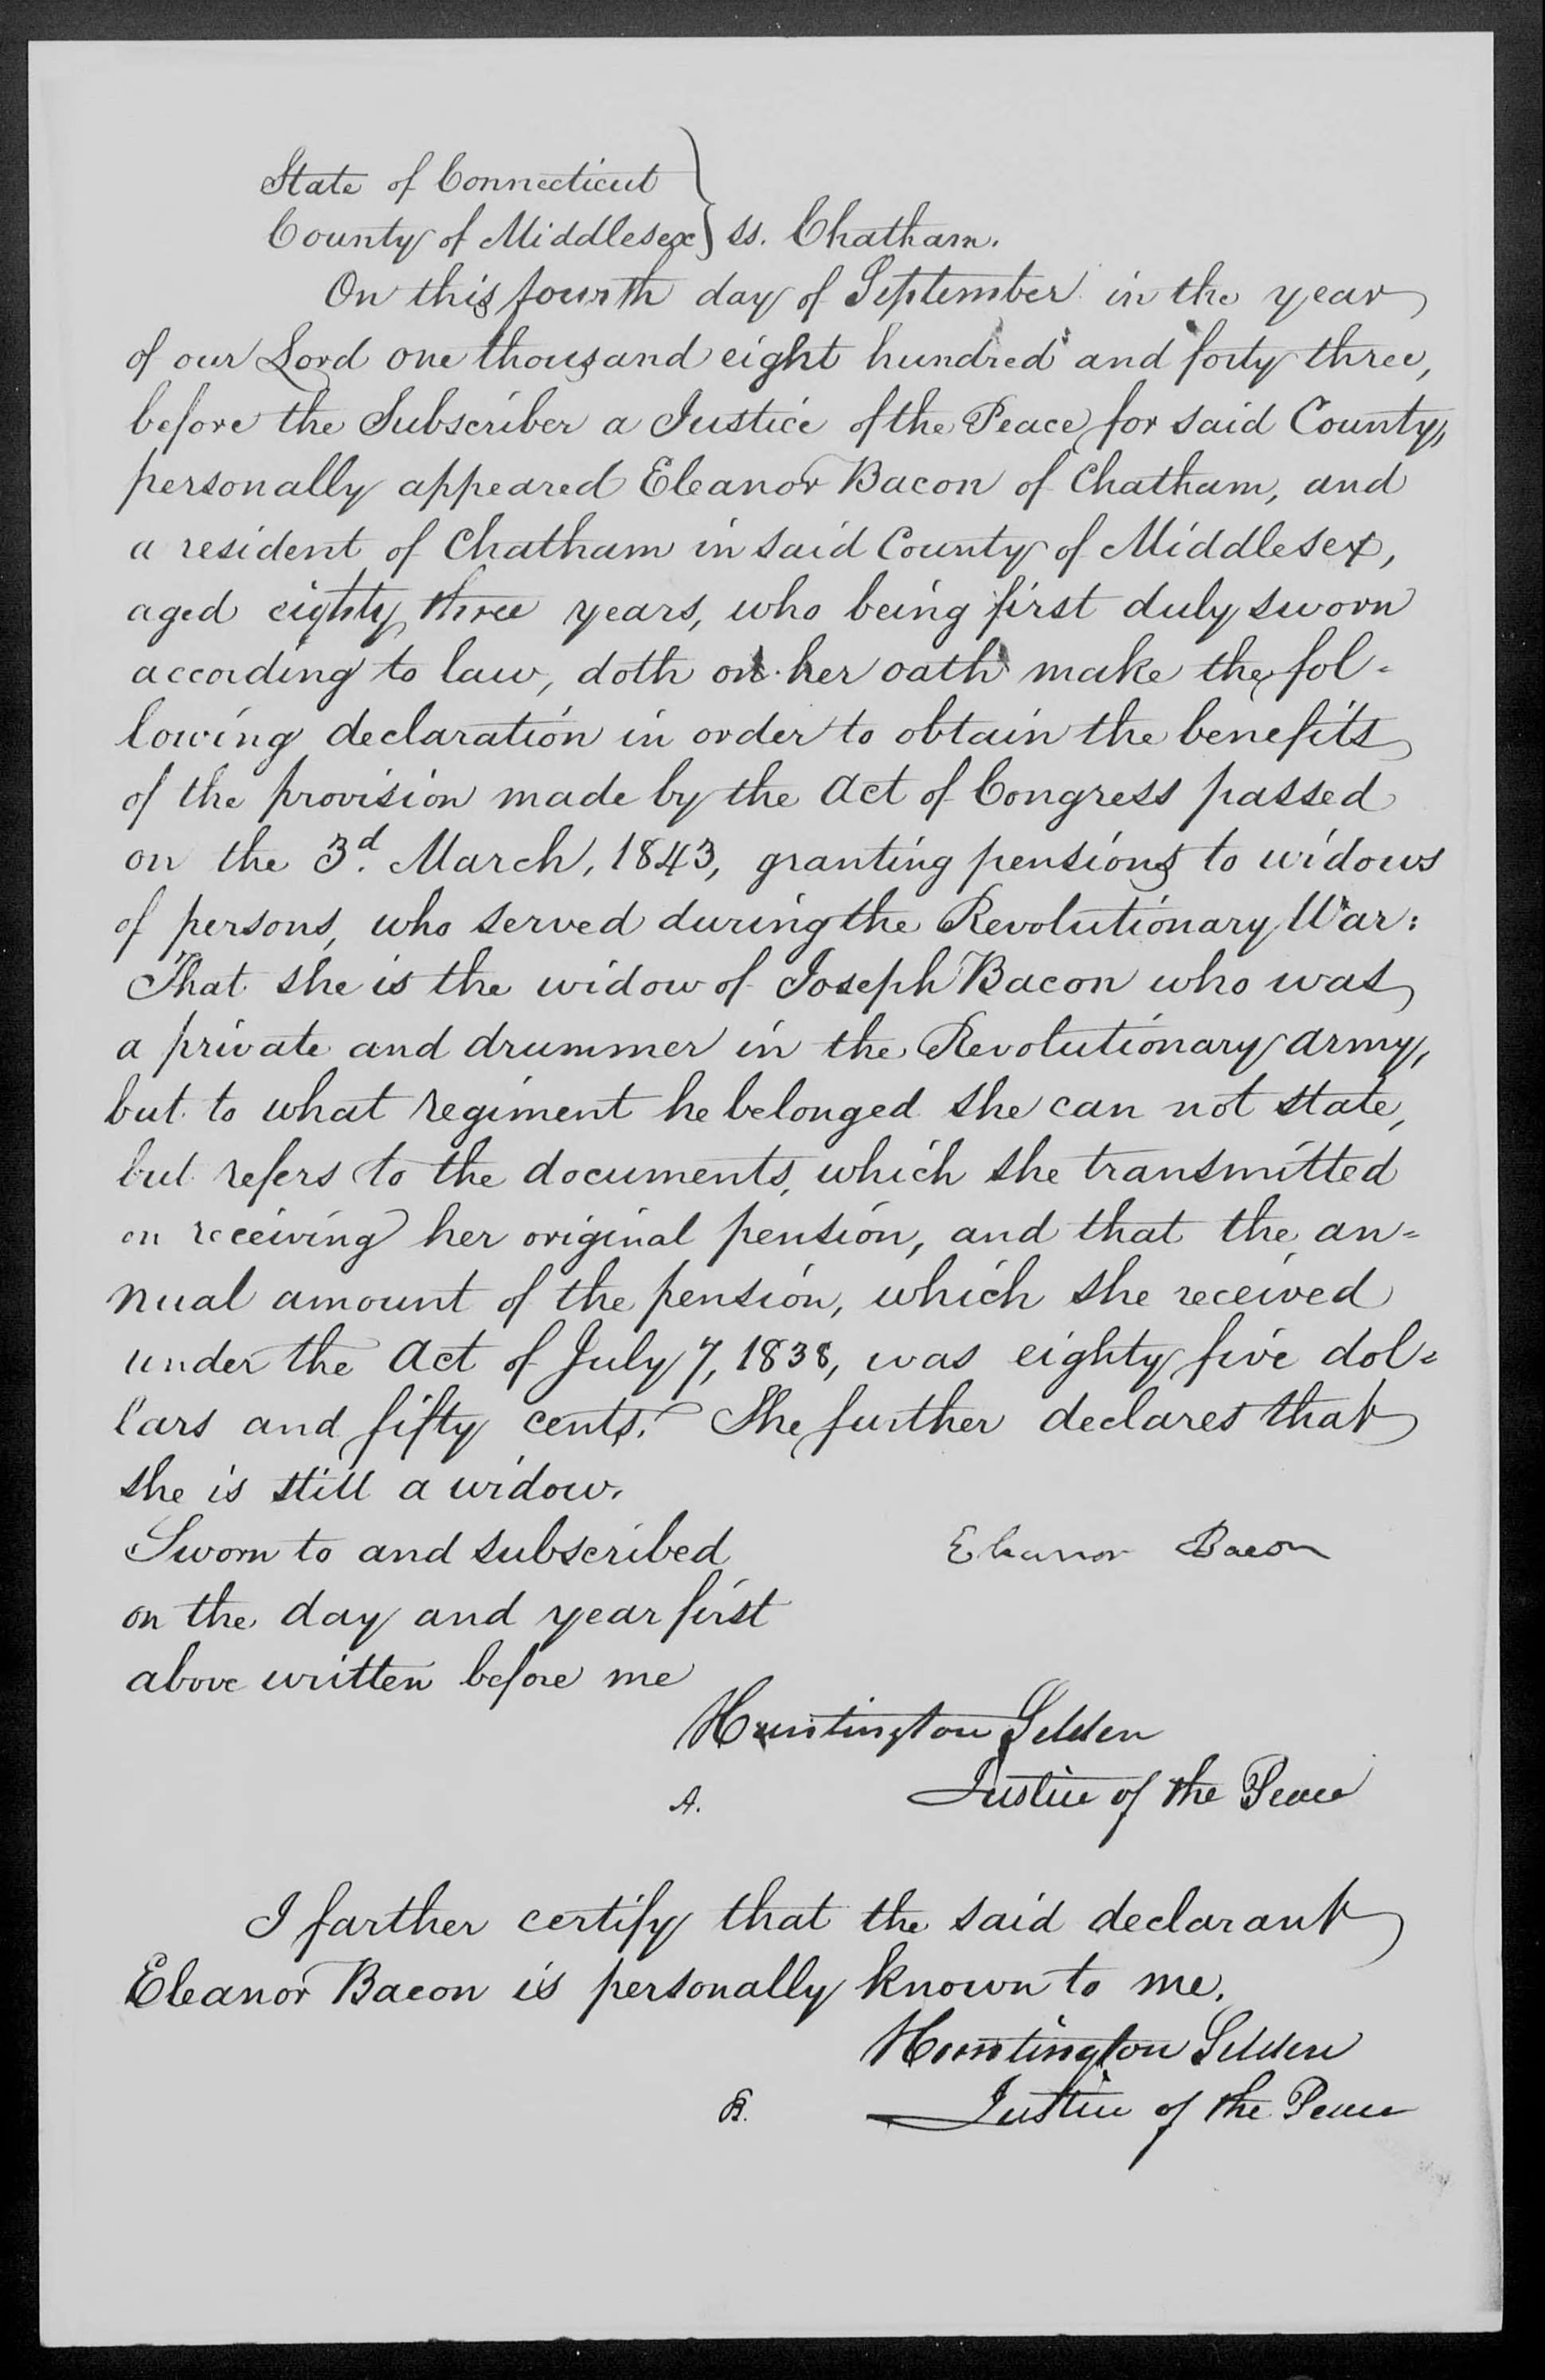State of Connecticut
County of Middlesex  ss. (namely) Chatham

On this fourth day of September in the year of our Lord, one thousand eight hundred and forty three, before the Subscriber a Justice of the Peace for said County, personally appeared Eleanor Bacon of Chatham, and a resident of Chatham in said County of Middlesex, aged eighty three years, who being first duly sworn according to law, doth on her oath make the following declaration in order to obtain the benefits of the provision made by the Act of Congress passed on the 3rd March, 1843, granting pensions to widows of person, who served during the Revolutionary War: That she is the widow of Joseph Bacon who was a private and drummer in the Revolutionary Army, but to what regiment he belonged she can not state, but refers to the documents, which she transmitted on receiving her original pension, and that the annual amount of the pension, which she received under the Act of July 7, 1838, was eighty five dollars and fifty cents.  She further declares that she is till a widow.  (Signed) "Eleanor Bacon"

Sworn to and subscribed on the day and year first above written before me
Huntington Selden
A.  Justice of the Peace

I further certify that the said declarant Eleanor Bacon is personally known to me. 
Huntington Selden
B.  Justice of the Peace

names: Joseph Bacon, Eleanor Bacon, Huntington Selden, Huntington Selden, Eleanor Bacon, Eleanor Bacon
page: 19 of 24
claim: widow's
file: W. 25190, Joseph Bacon, Continental (Conn)